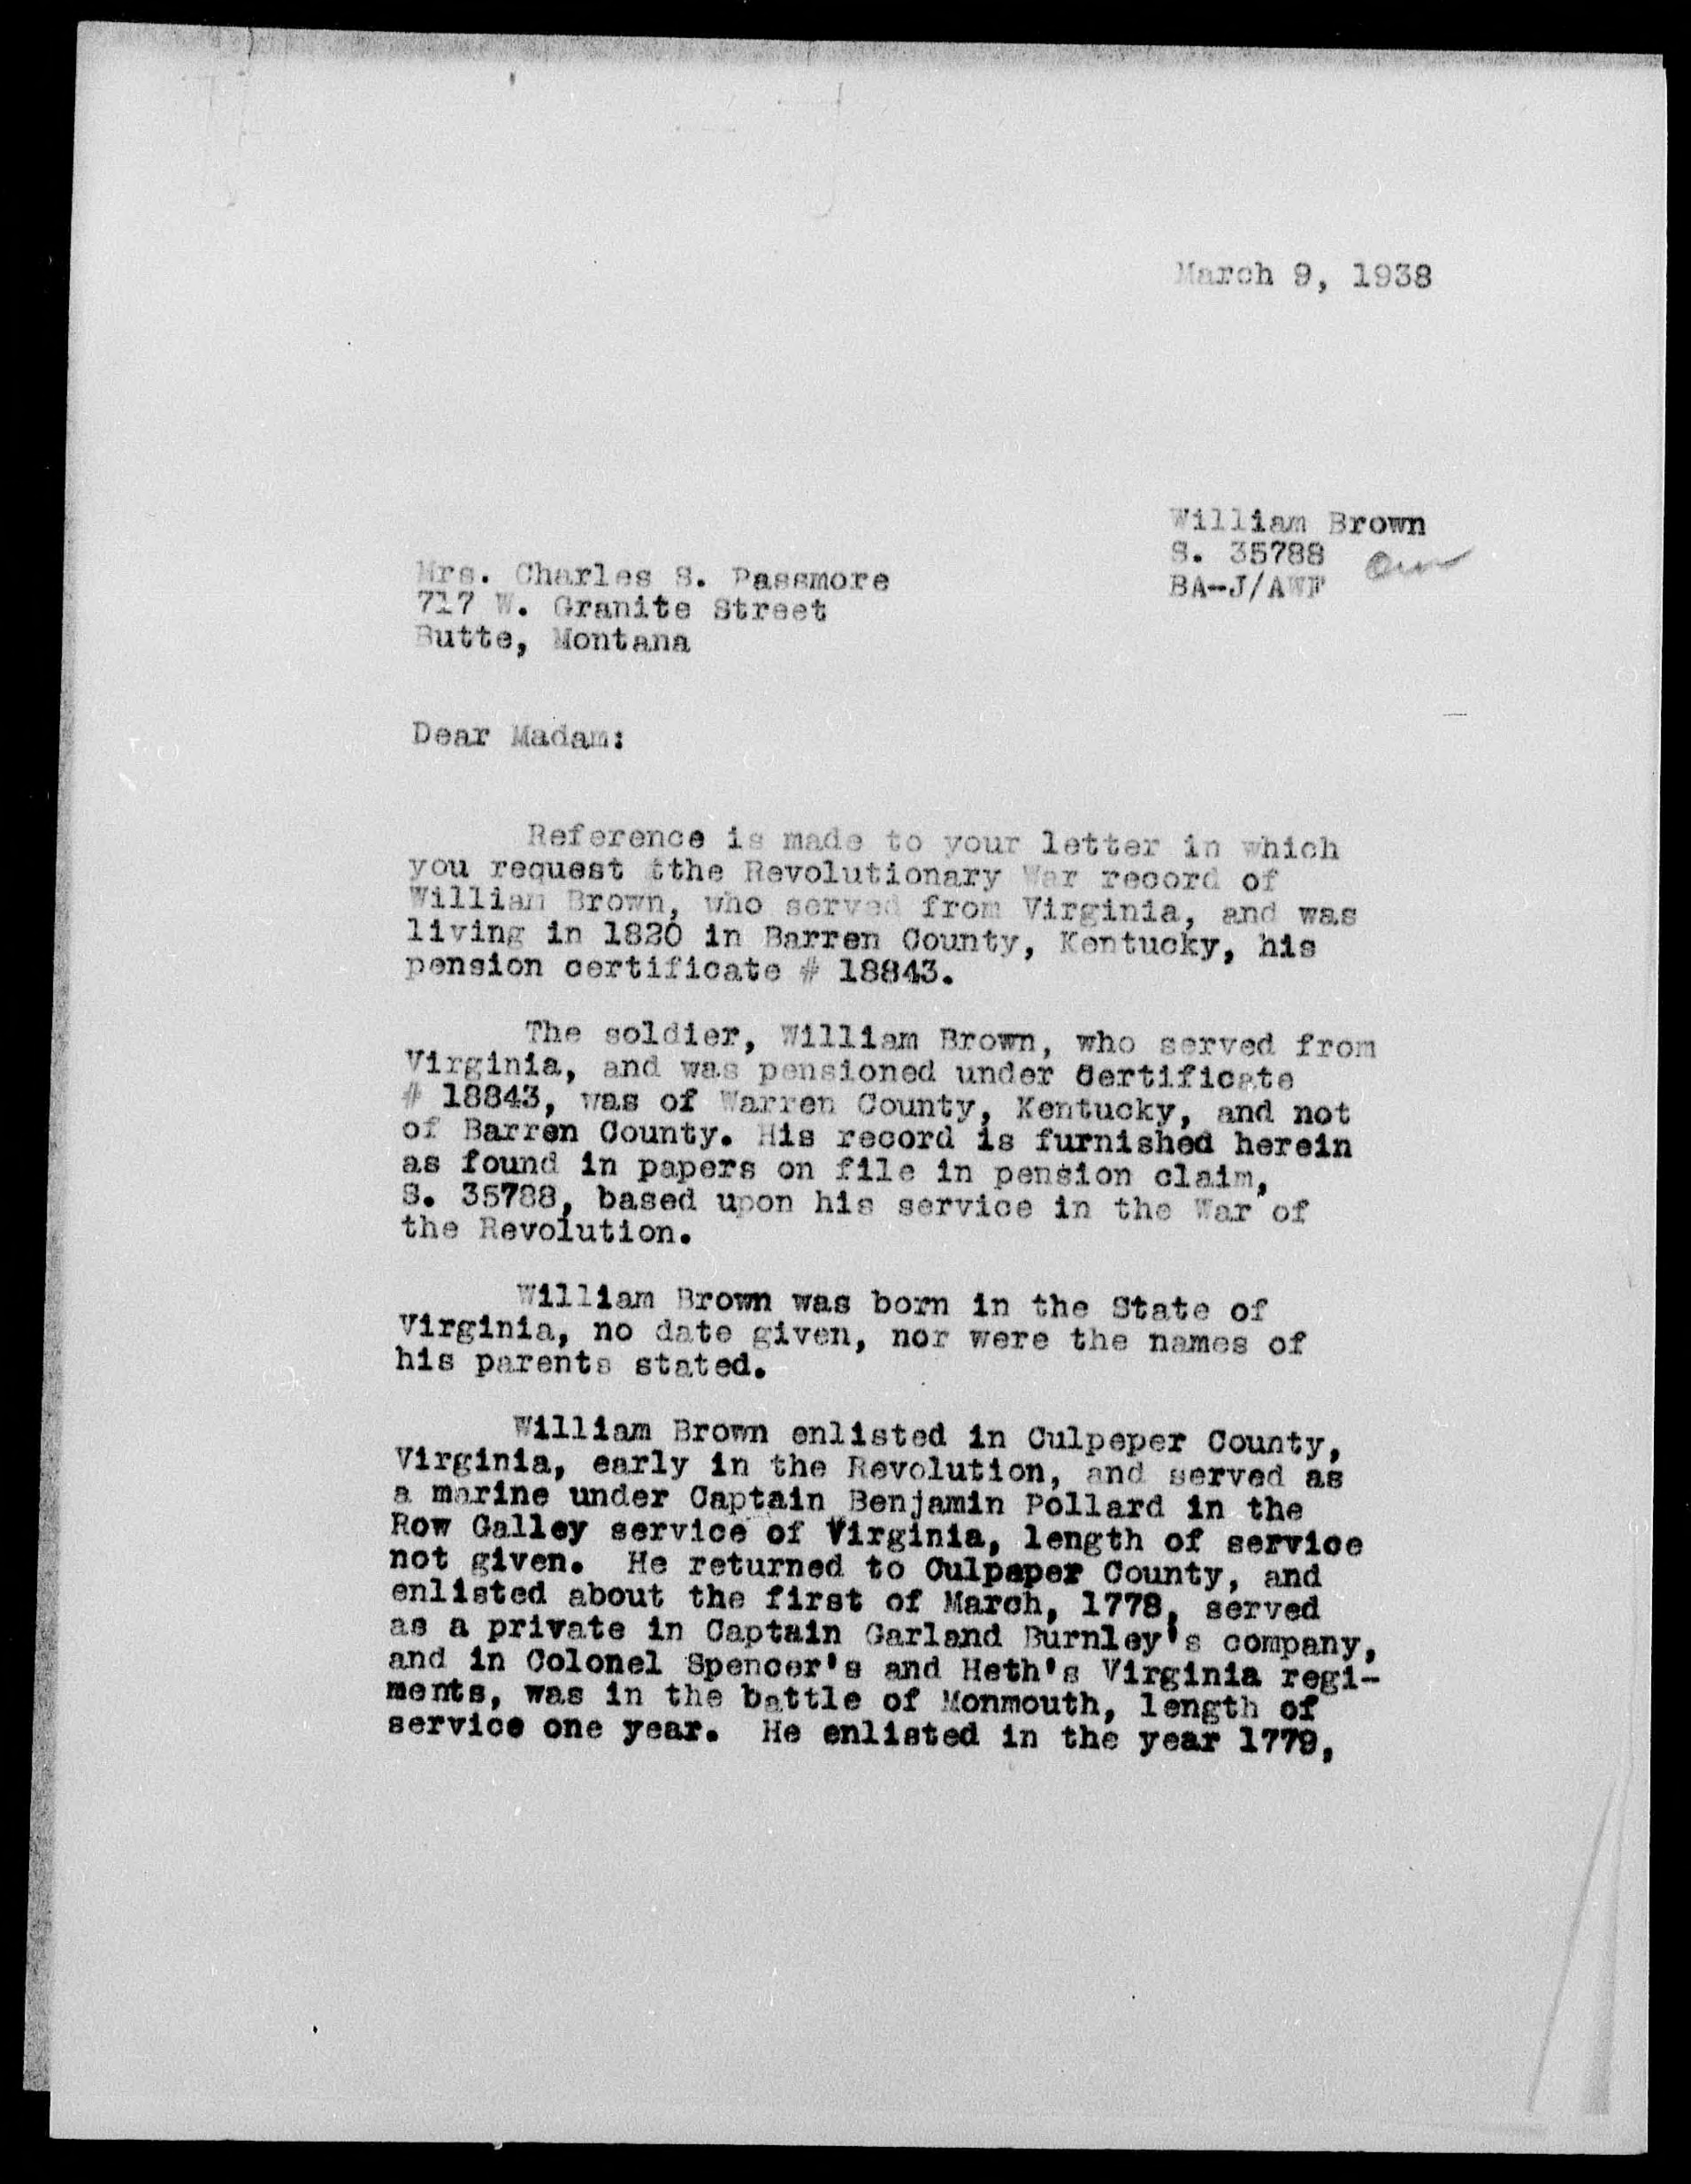William Brown
S. 35788
BA-J/AWF

Mrs. Charles D. Passmore
717 W. Granite Street
Butte, Montana

Dear Madam:

Reference is made to your letter in which
you request tthe Revolutionary War record of 
William Brown, who served from Virginia, and was
living in 1820 in Barren County, Kentucky, his
pension certificate # 18843.

The soldier, William Brown, who served from
Virginia, and was pensioned under certificate
# 18843, was of Warren County, Kentucky, and not
of Barren County. His record is furnished herein
as found in papers on file in pension claim, 
S. 35788, based upon his service in the War of 
the Revolution.

William Brown was born in the State of
Virginia, no date given, no were the names of
his parents stated.

William Brown enlisted in Culpeper County,
Virginia, early in the Revolution, and served as
a marine under Captain Benjamin Pollard in the
Row Gallery service of Virginia, length of service
not given. He returned to Culpeper County, and
enlisted about the first of March, 1778, served
as a private in Captain Garland Burnley's company,
and in Colonel Spencer's and Heth's Virginia regiments,
was in the battle of Monmouth, length of
service one year. He enlisted in the year 1779,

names: William Brown, William Brown, William Brown, William Brown, Benjamin Pollard, William Brown, Charles S Passmore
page: 7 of 21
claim: survivor's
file: S. 35,788, William Brown, Va.